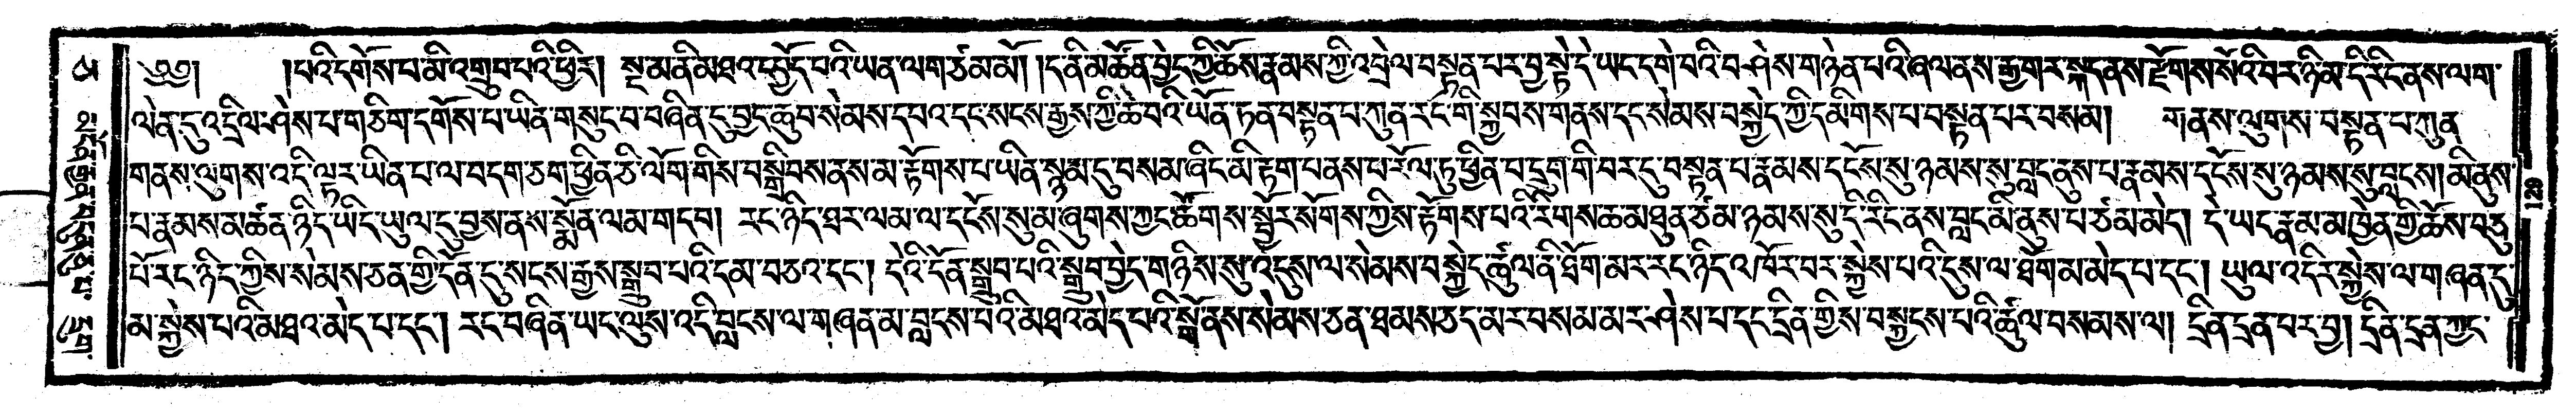༄༅། །པའི་དགོས་པ་མི་འགྲུབ་པའི་ཕྱིར། སྔ་མ་ནི་མཐའ་དཔྱོད་པའི་ཡན་ལག་ཙམ་མོ། །ད་ནི་མཚོན་བྱེད་ཀྱི་ཆོས་རྣམས་ཀྱི་འབྲེལ་བསྟན་པར་བྱ་སྟེ་དེ་ཡང་དགེ་བའི་བཤེས་གཉེན་པའི་ཞལ་ནས་རྒྱ་གར་སྐད་ནས་རྫོགས་སོའི་བར་ཉི་མ་དི་རིང་ནས་ལག་
ལེན་དུ་འདྲིལ་ཤེས་པ་གཅིག་དགོས་པ་ཡིན་གསུང་བ་བཞིན་དུ་བྱང་ཆུབ་སེམས་དཔའ་དང་སངས་རྒྱས་ཀྱི་ཆེ་བའི་ཡོན་ཏན་བསྟན་པ་ཀུན་རང་གི་སྐྱབས་གནས་དང་སེམས་བསྐྱེད་ཀྱི་དམིགས་པ་བསྟན་པར་བསམ། གནས་ལུགས་བསྟན་པ་ཀུན་
གནས་ལུགས་འདི་ལྟར་ཡིན་པ་ལ་བདག་ཅག་ཕྱིན་ཅི་ལོག་གིས་བསྒྲིབས་ནས་མ་རྟོགས་པ་ཡིན་སྙམ་དུ་བསམ་ཞིང་མི་རྟག་པ་ནས་ཕ་རོལ་ཏུ་ཕྱིན་པ་དྲུག་གི་བར་དུ་བསྟན་པ་རྣམས་དངོས་སུ་ཉམས་སུ་བླང་ནུས་པ་རྣམས་དངོས་སུ་ཉམས་སུ་བླངས། མི་ནུས་
པ་རྣམས་མཚན་ཉིད་ཡིད་ཡུལ་དུ་བྱས་ནས་སྨོན་ལམ་གདབ། རང་ཉིད་ཐར་ལམ་ལ་དངོས་སུ་མ་ཞུགས་ཀྱང་ཚོགས་སྦྱོར་སོགས་ཀྱིས་རྟོགས་པའི་རིགས་ཆ་མཐུན་ཙམ་ཉམས་སུ་དི་རིང་ནས་བླང་མི་ནུས་པ་ཙམ་མེད། དེ་ཡང་རྣམ་མཁྱེན་གྱི་ཆོས་བཅུ་
པོ་རང་ཉིད་ཀྱིས་སེམས་ཅན་གྱི་དོན་དུ་སངས་རྒྱས་སྒྲུབ་པའི་དམ་བཅའ་དང་། དེའི་དོན་སྒྲུབ་པའི་སྒྲུབ་བྱེད་གཉིས་སུ་འདུས་ལ་སེམས་བསྐྱེད་ཚུལ་ནི་ཐོག་མར་རང་ཉིད་འཁོར་བར་སྐྱེས་པའི་དུས་ལ་ཐོག་མ་མེད་པ་དང་། ཡུལ་འདིར་སྐྱེས་ལ་གཞན་དུ་
མ་སྐྱེས་པའི་མཐའ་མེད་པ་དང་། རང་བཞིན་ཡང་ལུས་འདི་བླངས་ལ་གཞན་མ་བླངས་པའི་མཐའ་མེད་པའི་སྒོ་ནས་སེམས་ཅན་ཐམས་ཅད་མར་བསམ་མར་ཤེས་པ་དང་དྲིན་གྱིས་བསྐྱངས་པའི་ཚུལ་བསམས་ལ། དྲིན་དྲན་པར་བྱ། དྲིན་དྲན་ཀྱང་